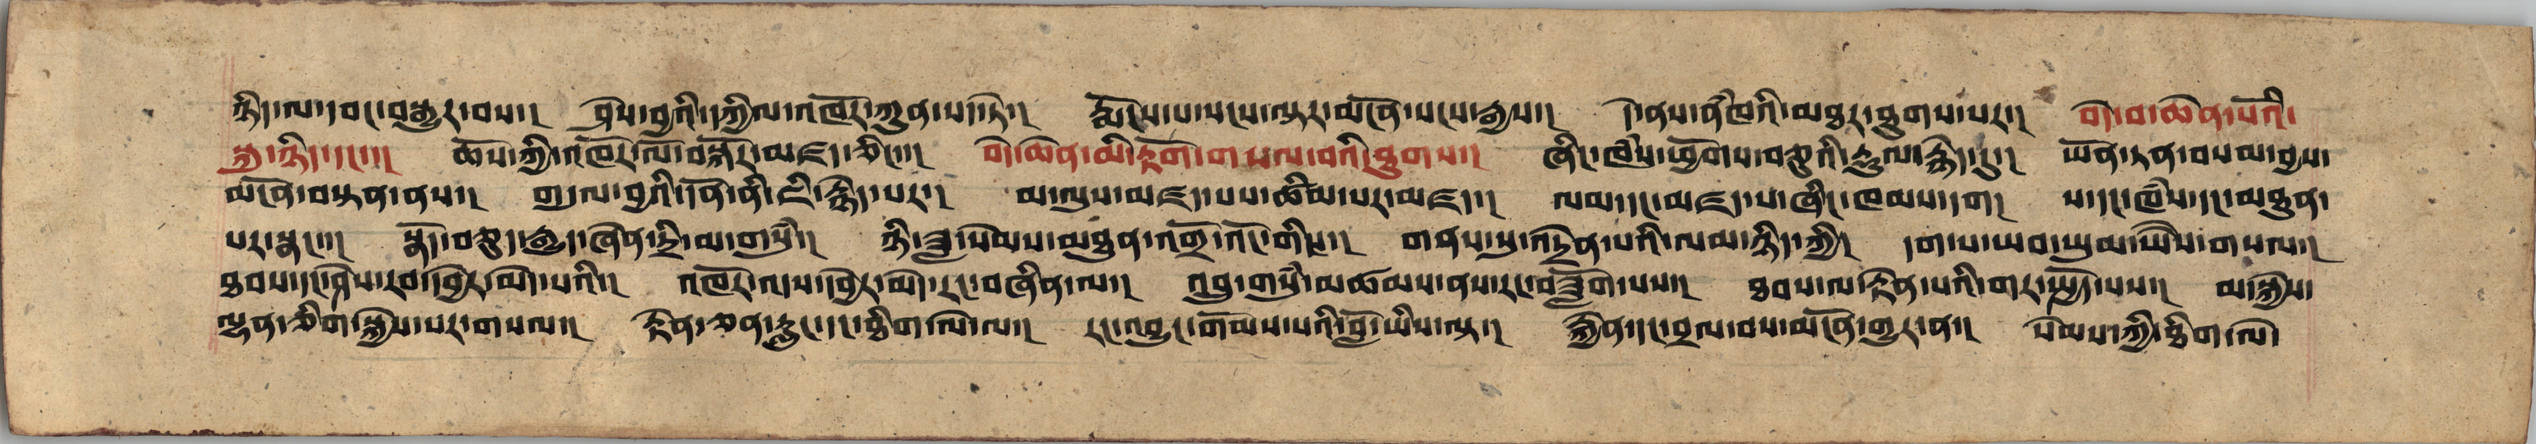ཉིད་ལ་དབང་བསྒྱུར་བས་། ཤེས་བྱའི་དཀྱིལ་འཁོར་ཀུན་སད་ཏེ་། རྨོངས་པ་སངས་ལྟར་མངོན་སངས་རྒྱས་། དེ་ནས་ནཾཁའི་མཐར་ཐུགས་པར་། བདེ་བ་ཆེན་པོའི་
སྐུ་ཉིད་དང་་། ཆོས་ཀྱི་འཁོར་ལོ་བསྐོར་མཛད་ཅིང་་། བདེ་ཆེན་མི་རྟོག་གསལ་བའི་ཐུགས་། ཞིང་ཁཾས་ཕྱོགས་བཅུའི་རྡུལ་རྙེད་དུ་། ཡོན་ཏན་བསམ་བྱས་
མངོན་བསྟན་ནས་། གདུལ་བྱའི་དོན་ནི་ཇི་རྙེད་པར་། མ་ལུས་མཛད་པས་ཚིམ་པར་མཛད་། ལམ་དང་མཛད་པ་ཞིང་ཁམས་དག། ས་དང་ཁཾས་དང་མཐུན་
པར་སྣང་་། སྣོད་བཅུད་རྒྱུད་ཞེན་དྲི་མ་གསུཾ་། ཉི་ཟླ་སེམས་མཐུན་འགྲོ་འོང་གིས་། གནས་སུ་འདྲེན་པའི་ལམ་ཉིད་ཀྱི། དག་པ་ཡབ་ཡུམ་ཡཻས་གསལ་།
ཐབས་དང་ཤེས་རབ་དབྱེར་མེད་པའི། འཁོར་ལས་དབྱེར་མེད་རང་བཞིན་ལ་། འབྲུ་གསུཾ་མཚམས་ནས་རང་བཟློག་པས་། ཐབས་ལ་རྟེན་པའི་གར་སྤྱོད་པས་། མ་སྐྱེས་
ལྷན་ཅིག་སྐྱེས་པར་གསལ་། རྟེན་ཅན་རླུང་དང་ཐིག་ལེ་ལ་། རང་འབྱུང་གོམས་པའི་བློ་ཡིས་ལྟ་། རྐྱེན་དང་བྲལ་བས་མངོན་གྱུར་ན་། སེམས་ཀྱི་ཐིག་ལེ་